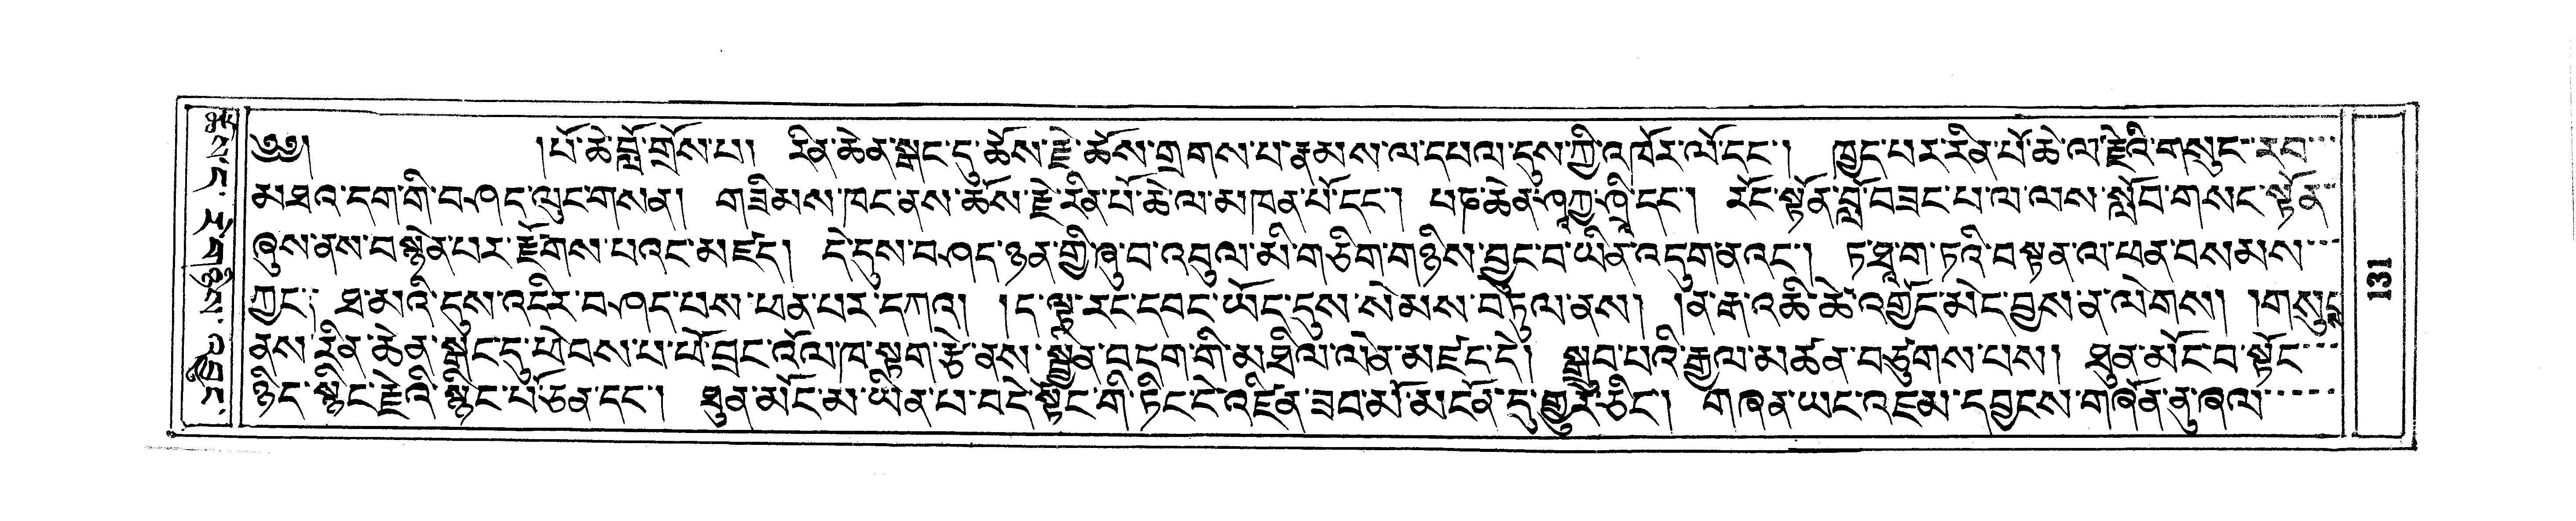༄༅། །པོ་ཆེ་བློ་གྲོས་པ། རིན་ཆེན་སྒང་དུ་ཆོས་རྗེ་ཆོས་གྲགས་པ་རྣམས་ལ་དཔལ་དུས་ཀྱི་འཁོར་ལོ་དང་། ཁྱད་པར་རིན་པོ་ཆེ་ལ་རྗེའི་གསུང་རབ་
མཐའ་དག་གི་བཤད་ལུང་གསན། གཟིམས་ཁང་ནས་ཆོས་རྗེ་རིན་པོ་ཆེ་ལ་མཁན་པོ་དང་། པཎ་ཆེན་ཤཱཀྱ་ཤྲཱི་དང་། རོང་སྟོན་བློ་བཟང་པ་ལ་ལས་སློབ་གསང་སྟོན་
ཞུས་ནས་བསྙེན་པར་རྫོགས་པའང་མཛད། དེ་དུས་བཤད་ཉན་གྱི་ཞུ་བ་འབུལ་མི་གཅིག་གཉིས་བྱུང་བ་ཡིན་འདུག་ནའང་། ཏ་ཐཱ་ག་ཏའི་བསྟན་ལ་ཕན་བསམས་
ཀྱང༑ ཐ་མའི་དུས་འདིར་བཤད་པས་ཕན་པར་དཀའ། །ད་ལྟ་རང་དབང་ཡོད་དུས་སེམས་བཏུལ་ནས། །ན་རྒ་འཆི་ཚེ་འགྱོད་མེད་བྱས་ན་ལེགས། །གསུངས་
ནས་རིན་ཆེན་སྒང་དུ་ཕེབས་པ་ཕོ་བྲང་འོལ་ཁ་སྟག་རྩེ་ནས་སྦྱིན་བདག་གི་མཐིལ་ལེན་མཛད་དེ། སྒྲུབ་པའི་རྒྱལ་མཚན་བཙུགས་པས། ཐུན་མོང་བ་སྟོང་
ཉིད་སྙིང་རྗེའི་སྙིང་པོ་ཅན་དང་། ཐུན་མོང་མ་ཡིན་པ་བདེ་སྟོང་གི་ཏིང་ངེ་འཛིན་ཟབ་མོ་མངོན་དུ་གྱུར་ཅིང་། གཞན་ཡང་འཇམ་དབྱངས་གཞོན་ནུ་ཞལ་